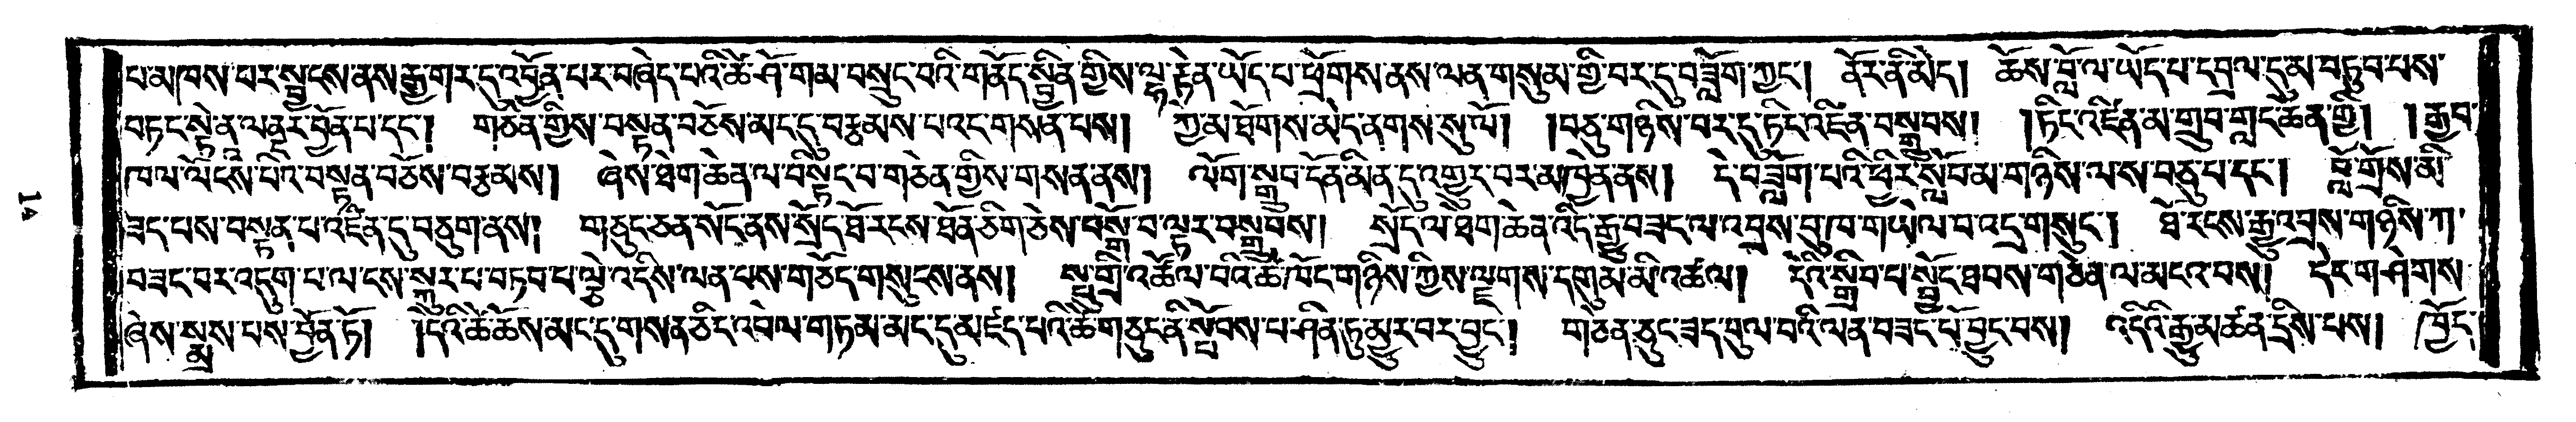པ་མཁས་པར་སྦྱངས་ནས་རྒྱ་གར་དུ་འབྱོན་པར་བཞེད་པའི་ཚེ་ཤོ་གམ་བསྲུང་བའི་གནོད་སྦྱིན་གྱིས་ལྷ་རྟེན་ཡོད་པ་ཕྲོགས་ནས་ལན་གསུམ་གྱི་བར་དུ་བཟློག་ཀྱང་། ནོར་ནི་མེད། ཆོས་བློ་ལ་ཡོད་པ་དབྲལ་དུ་མ་བཏུབ་པས་
བཏང་སྟེ་ནཱ་ལནྡར་བྱོན་པ་དང་། གཅེན་གྱིས་བསྟན་བཅོས་མང་དུ་བརྩམས་པའང་གསན་པས། ཀྱེ་མ་ཐོགས་མེད་ནགས་སུ་ལོ། །བཅུ་གཉིས་བར་དུ་ཏིང་འཛིན་བསྒྲུབས། །ཏིང་འཛིན་མ་གྲུབ་གླང་ཆེན་གྱི། །རྒྱབ་
ཁལ་ལོངས་པའི་བསྟན་བཅོས་བརྩམས། ཞེས་ཐེག་ཆེན་ལ་བསྟིང་བ་གཅེན་གྱིས་གསན་ནས། ལོག་སྒྲུབ་དོན་མིན་དུ་འགྱུར་བར་མཁྱེན་ནས། དེ་བཟློག་པའི་ཕྱིར་སློབ་མ་གཉིས་ལས་བཅུ་པ་དང་། བློ་གྲོས་མི་
ཟད་པས་བསྟན་པ་འཛིན་དུ་བཅུག་ནས། གཅུང་ཅན་སོང་ནས་སྲོད་ཐོ་རངས་ཐོན་ཅིག་ཅེས་བསྒོ་བ་ལྟར་བསྒྲུབས། སྲོད་ལ་ཐེག་ཆེན་འདི་རྒྱུ་བཟང་ལ་འབྲས་བུ་ཁ་གཡེལ་བ་འདྲ་གསུང་། ཐོ་རངས་རྒྱུ་འབྲས་གཉིས་ཀ་
བཟང་བར་འདུག་པ་ལ་ངས་སྐུར་བ་བཏབ་པ་ལྕེ་འདིས་ལན་པས་གཅོད་གསུངས་ནས། སྦུ་གྲི་འཚོལ་བའི་ཚེ་ཁོང་གཉིས་ཀྱིས་ལྗགས་དགུམ་མི་འཚལ། དེའི་སྒྲིབ་པ་སྦྱོང་ཐབས་གཅེན་ལ་མངའ་བས། དེར་གཤེགས་
ཞེས་སྨྲས་པས་བྱོན་ཏོ། །དེའི་ཚེ་ཆོས་མང་དུ་གསན་ཅིང་འབྲེལ་གཏམ་མང་དུ་མཛད་པའི་ཚེ་གཅུང་ནི་སྦོབས་པ་ཤིན་ཏུ་མྱུར་བར་བྱུང་། གཅེན་ཅུང་ཟད་ཕུལ་བའི་ལན་བཟང་པོ་བྱུང་བས། འདིའི་རྒྱུ་མཚན་དྲིས་པས། ཁྱོད་